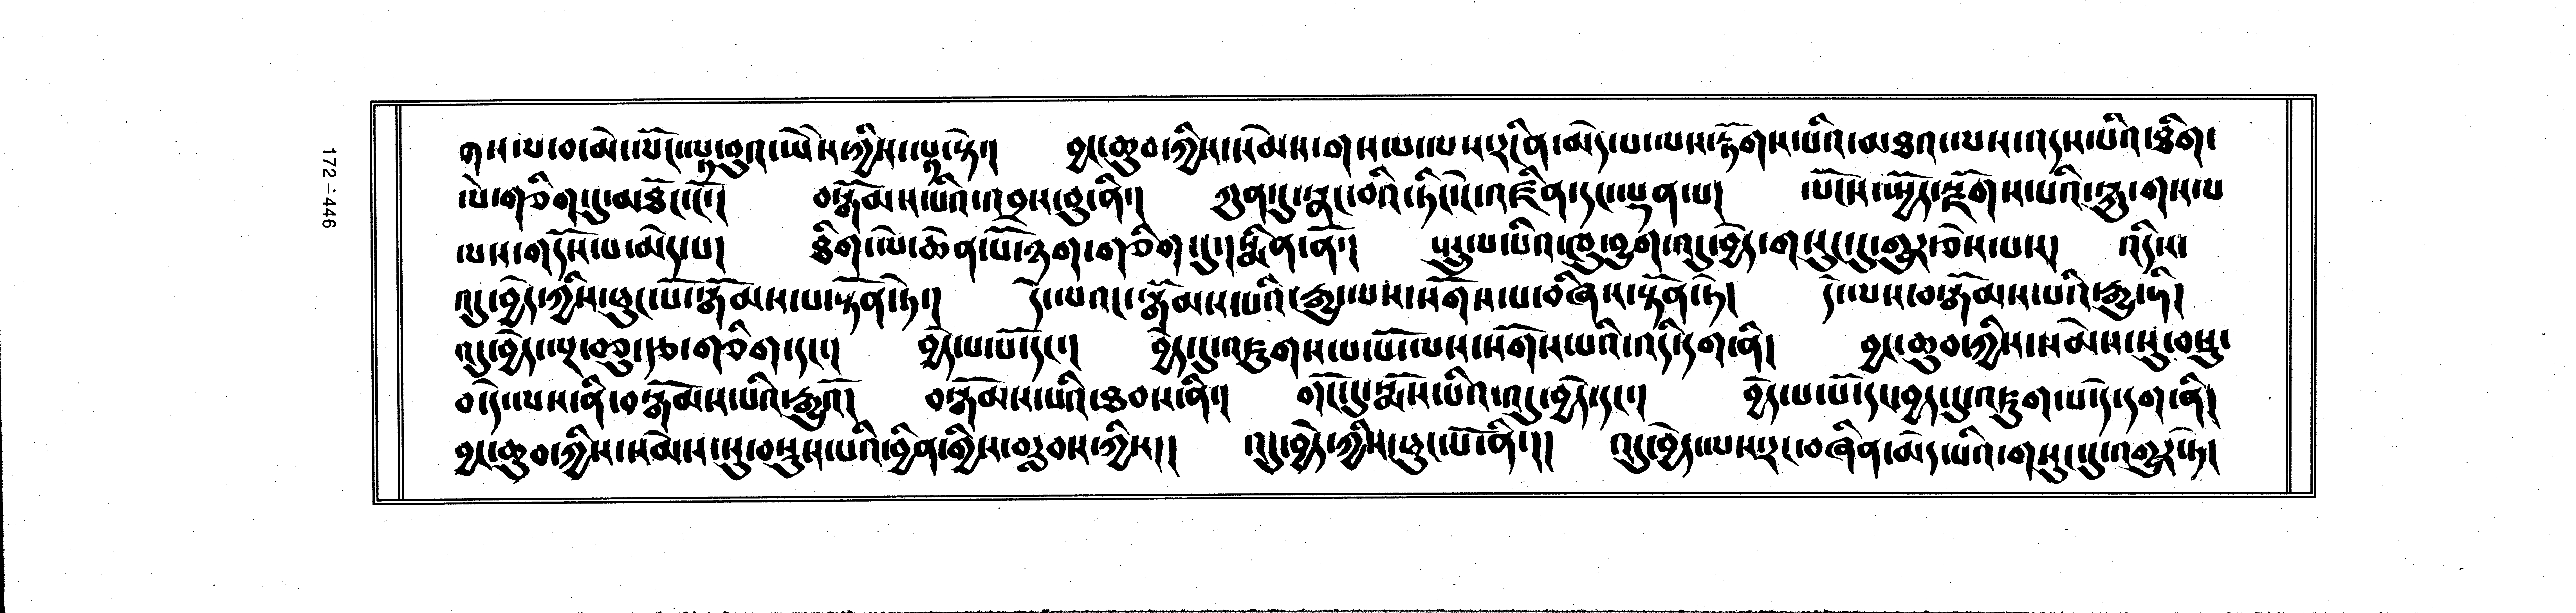གསལ་བ་མེ་ལོང་ལྟ་བུའི་ཡེ་ཤེས་ཀྱིས་ལྟ་སྟེ། བྱང་ཆུབ་ཀྱིས་སེམས་གསལ་ལས་རང་བཞིན་མེད་པ་ལས་རྟོགས་པའི་མཐའ་ལས་འདས་པའི་ཐིག་
ལེ་གཅིག་དུ་མཐོང་ངོ་། བསྒོམས་པའི་འབྲས་བུ་ནི། ཀུན་དུ་སྣང་བའི་ཏིང་ངེ་འཛིན་དང་ལྡན་པ། ལོངས་སྤྱོད་རྫོགས་པའི་སྐུ་གསལ་
ལས་གདོས་པ་མེད་པ། ཐིག་ལེ་ཆེན་པོ་ཉག་གཅིག་དུ་སྨིན་ནོ། སྤྲུལ་པའི་ཁུ་བྱུག་འདུ་བྱེད་གསུང་དུ་གྱུར་ཅེས་པས། འདིས་
འདུ་བྱེད་ཀྱིས་ཕུང་པོ་སྒོམས་པ་སྟོན་ཏེ། དེ་ལ་འང་སྒོམས་པའི་རྒྱུ་ལས་སོགས་པ་བཞི་སྟོན་ཏེ། དེ་ལས་བསྒོམས་པའི་རྒྱུ་ནི། 
འདུ་བྱེད་ལྔ་བཅུ་རྩ་གཅིག་དང་། བྱེད་པ་པོ་དང་། བྱེད་དུ་འཇུགས་པ་པོ་ལས་སོགས་པའི་འདི་དག་ནི། བྱང་ཆུབ་ཀྱིས་སེམས་སུ་བསྡུ་
བ་དེ་ལས་ནི་བསྒོམས་པའི་རྒྱུའོ། བསྒོམས་པའི་ཐབས་ནི། གོང་དུ་སྨོས་པའི་འདུ་བྱེད་དང་། བྱེད་པ་པོ་དང་བྱེད་དུ་འཇུག་པ་དེ་དག་ནི། 
བྱང་ཆུབ་ཀྱིས་སེམས་སུ་བསྡུས་པའི་བྱིན་གྱིས་བརླབས་ཀྱིས། འདུ་བྱེད་ཀྱིས་ཕུང་པོ་ནི། འདུ་བྱེད་ལས་རང་བཞིན་མེད་པའི་གསུང་དུ་འགྱུར་ཏེ།